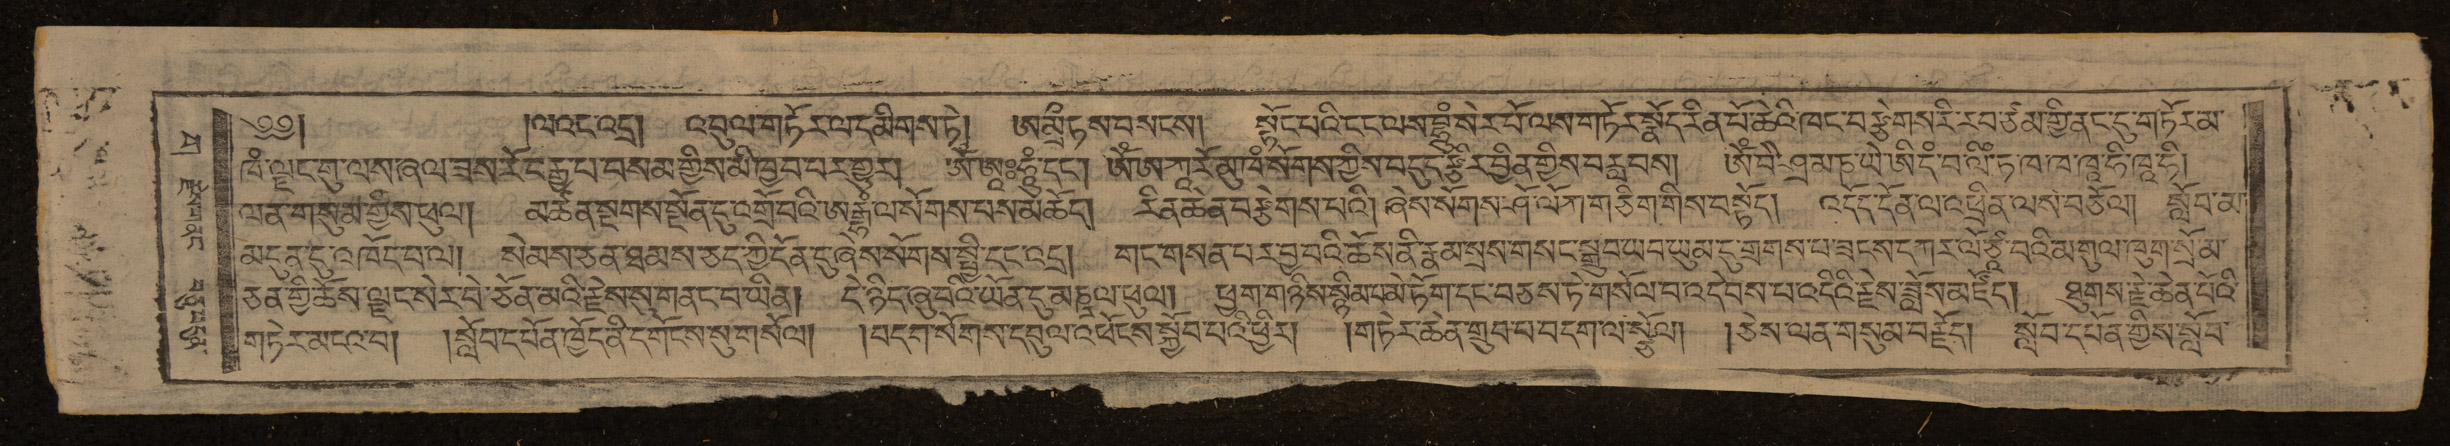༄༅། །ལའང་འདྲ། འབུལ་གཏོར་ལ་དམིགས་ཏེ། ཨམྲྀ་ཏས་བསངས། སྟོང་པའི་ངང་ལས་བྷྲུཾ་སེར་པོ་ལས་གཏོར་སྣོད་རིན་པོ་ཆེའི་ཁང་བརྩེགས་རི་རབ་ཙམ་གྱི་ནང་དུ་གཏོར་མ་
ཁཾ་ལྗང་གུ་ལས་ཞལ་ཟས་ངོ་བརྒྱ་པ་བསམ་གྱིས་མི་ཁྱབ་པར་གྱུར། ཨོཾ་ཨཱཿཧཱུཾ་དང་། ཨོཾ་ཨ་ཀཱ་རོ་མུ་ཁཾ་སོགས་ཀྱིས་བདུད་རྩིར་བྱིན་གྱིས་བརླབས། ཨོཾ་བཻ་ཤྲ་མ་ཎ་ཡེ་ཨི་དཾ་བ་ལིཾ་ཏ་ཁ་ཁ་ཁཱ་ཧི་ཁཱ་ཧི།
ལན་གསུམ་གྱིས་ཕུལ། མཚན་སྔགས་སྔོན་དུ་འགྲོ་པའི་ཨརྒྷཾ་ལ་སོགས་པས་མཆོད། རིན་ཆེན་བརྩེགས་པའི། ཞེས་སོགས་ཤོ་ལོ་ཀ་གཅིག་གིས་བསྟོད། འདོད་དོན་ལ་འཕྲིན་ལས་བཅོལ། སློབ་མ་
མདུན་དུ་འཁོད་ཕལ། སེམས་ཅན་ཐམས་ཅད་ཀྱི་དོན་དུ་ཞེས་སོགས་སྤྱི་དང་འདྲ། གང་གསན་པར་བྱ་བའི་ཆོས་ནི་རྣམ་སྲས་གསང་སྒྲུབ་ཡབ་ཡུམ་དུ་གྲགས་པ་ཟངས་དཀར་ལོ་ཙཱ་བའི་མགུ་ལ་ཁུག་སྲོས་
ཅན་གྱི་ཆོས་ལྗང་སེར་བེ་ཅོན་མའི་རྗེས་སུ་གནང་བ་ཡིན། དེ་ཉིད་ཞུ་བའི་ཡོན་དུ་མཎྜལ་ཕུལ། ཕྱག་གཉིས་སྙིམ་པ་མེ་ཏོག་དང་བཅས་ཏེ་གསོལ་བ་འདེབས་པ་འདིའི་རྗེས་ཟློས་མཛོད། ཐུགས་རྗེ་ཆེན་པོའི་
གཏེར་མངའ་བ། །སློབ་དཔོན་ཁྱོད་ནི་དགོངས་སུ་གསོལ། །བདག་སོགས་དབུལ་འཕོངས་སྐྱོབ་པའི་ཕྱིར། །གཏེར་ཆེན་གྲུབ་པ་བདག་ལ་སྩོལ། །ཅེས་ལན་གསུམ་བརྗོད། སློབ་དཔོན་གྱིས་སློབ་